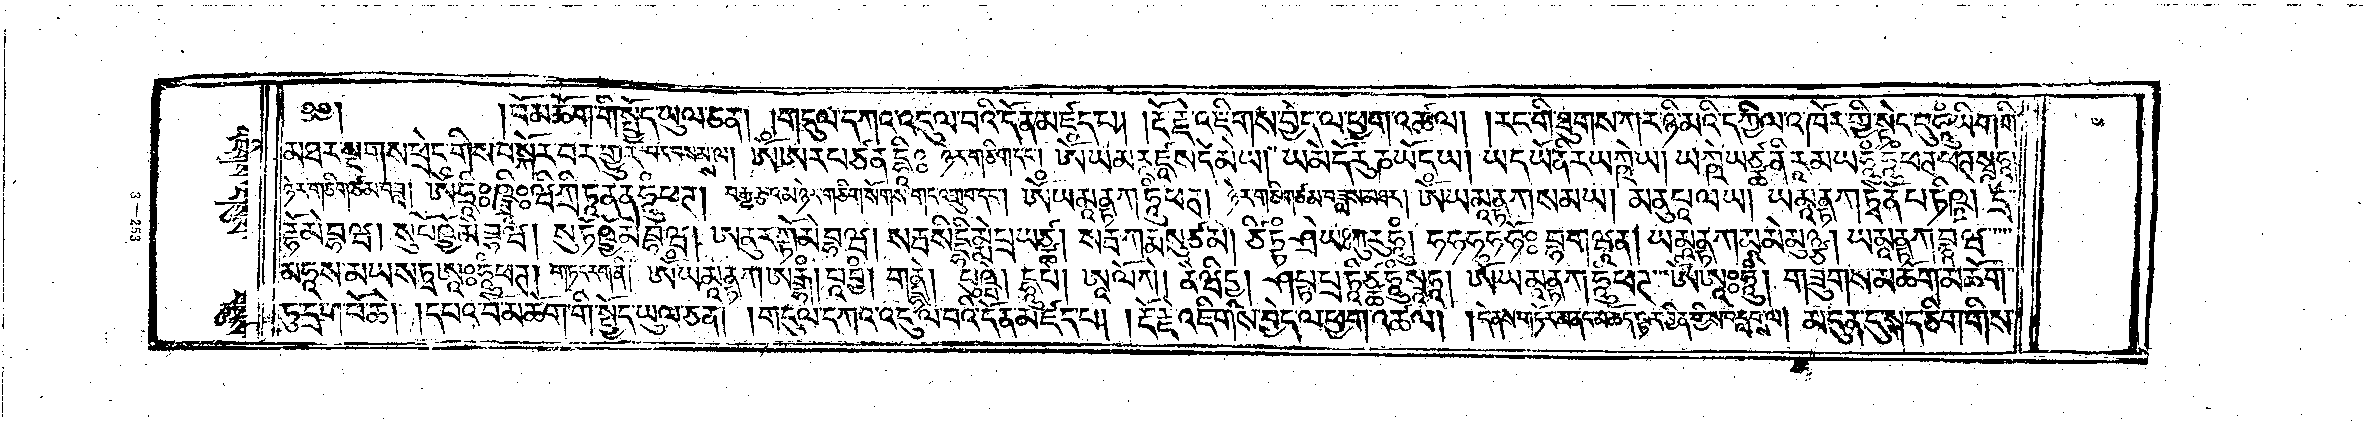༄༅། །བོ་མཆོག་གི་སྤྱོད་ཡུལ་ཅན། །གདུལ་དཀའ་འདུལ་བའི་དོན་མཛད་པ། །རྡོ་རྗེ་འཇིགས་བྱེད་ལ་ཕྱག་འཚལ། །རང་གི་ཐུགས་ཀར་ཉི་མའི་དཀྱིལ་འཁོར་གྱི་སྟེང་དུ་ཧཱུཾ་ཡིག་གི་
མཐར་སྔགས་ཕྲེང་གིས་བསྐོར་བར་གྱུར་བར་བསམས་ལ།  ཨོཾ་ཨ་ར་པ་ཙ་ན་དྷཱིཿ ཉེར་གཅིག་དང་།  ཨོཾ་ཡ་མ་རཱ་ཛཱ་ས་དོ་མེ་ཡ། ཡ་མེ་དོ་རུ་ཎ་ཡོད་ཡ། ཡད་ཡོ་ནིར་ཡཀྵེ་ཡ། ཡཀྵེ་ཡཙྪ་ནི་རཱ་མ་ཡ་ཧཱུཾ་ཧཱུཾ་ཕཌ་ཕཌ་སྭཱཧཱ།
ཉེར་གཅིག་ཙམ་བཟླ།  ཨོཾ་ཧྲཱིཿཥྚྲཱིཿ ཝི་ཀྲི་ཏཱ་ནན་ཧཱུཾ་ཕཌ། བརྒྱུ་ཙའམ་ཉེར་གཅིག་སོགས་གང་འགྲུབ་དང་།  ཨོཾ་ཡ་མཱནྟ་ཀ་ཧཱུཾ་ཕཌ། ཉེར་གཅིག་ཙམ་བཟླས་མཐར།  ཨོཾ་ཡ་མཱནྟ་ཀ་ས་མ་ཡ། མ་ནུ་པཱ་ལ་ཡ། ཡ་མཱནྟ་ཀ་ཏྭེ་ན་པ་ཏི་ཥྚྷ། དྲ་
ཌྷོ་མེབྷ་ཝ། སུ་པོ་ཥྱོ་མེ་བྷ་ཝ། སུ་ཏོ་ཥྱོ་མེ་བྷ་ཝཾ། ཨ་ནུར་ཀྟོ་མེ་བྷ་ཝ། སརྦ་སིདྡྷི་མྨེ་པྲ་ཡཙྪ། སརྦ་ཀརྨ་སུ་ཙ་མེ། ཙིཏྟཾ་ཤྲེ་ཡཿཀུ་རུ་ཧཱུཾ། ཧ་ཧ་ཧ་ཧ་ཧོཿབྷ་ག་ཝཱཎ། ཡ་མཱནྟ་ཀ་མཱ་མེ་མུ་ཉྩ། ཡ་མཱནྟ་ཀབཅཱ་ཝ་
མཧཱས་མ་ཡས་ཏྭ་ཨཱཿཧཱུཾ་ཕཌ། གཏང་རག་ནི།  ཨོཾ་ཡ་མཱནྟ་ཀ་ཨརྒྷཾ། གནྡྷེ། པུཥྤེ། དྷཱུ་པཾ། ཨཱ་ལོ་ཀེ། ནཻ་ཝི་བྱ། ཤཔྟ་པྲ་ཏཱི་ཙྪ་ཧཱུཾ་སྭཱཧཱ། ཨོཾ་ཡ་མཱནྟ་ཧཱུཾ་ཕཌ་ཨོཾ་ཨཱཿཧཱུཾ། གཟུགས་མཆོག་མཆོག་
ཏུ་དྲག་པོ་ཆེ། །དཔའ་བོ་མཆོག་གི་སྤྱོད་ཡུལ་ཅན། །གདུལ་དཀའ་འདུལ་བའི་དོན་མཛད་པ། །རྡོ་རྗེ་འཇིགས་བྱེད་ལ་ཕྱག་འཚལ། དེ་ནས་གཏོར་མ་ནང་མཆོད་ལྟར་བྱིན་གྱིས་བརླབས་ལ།  མདུན་དུ་སྐད་ཅིག་གིས་